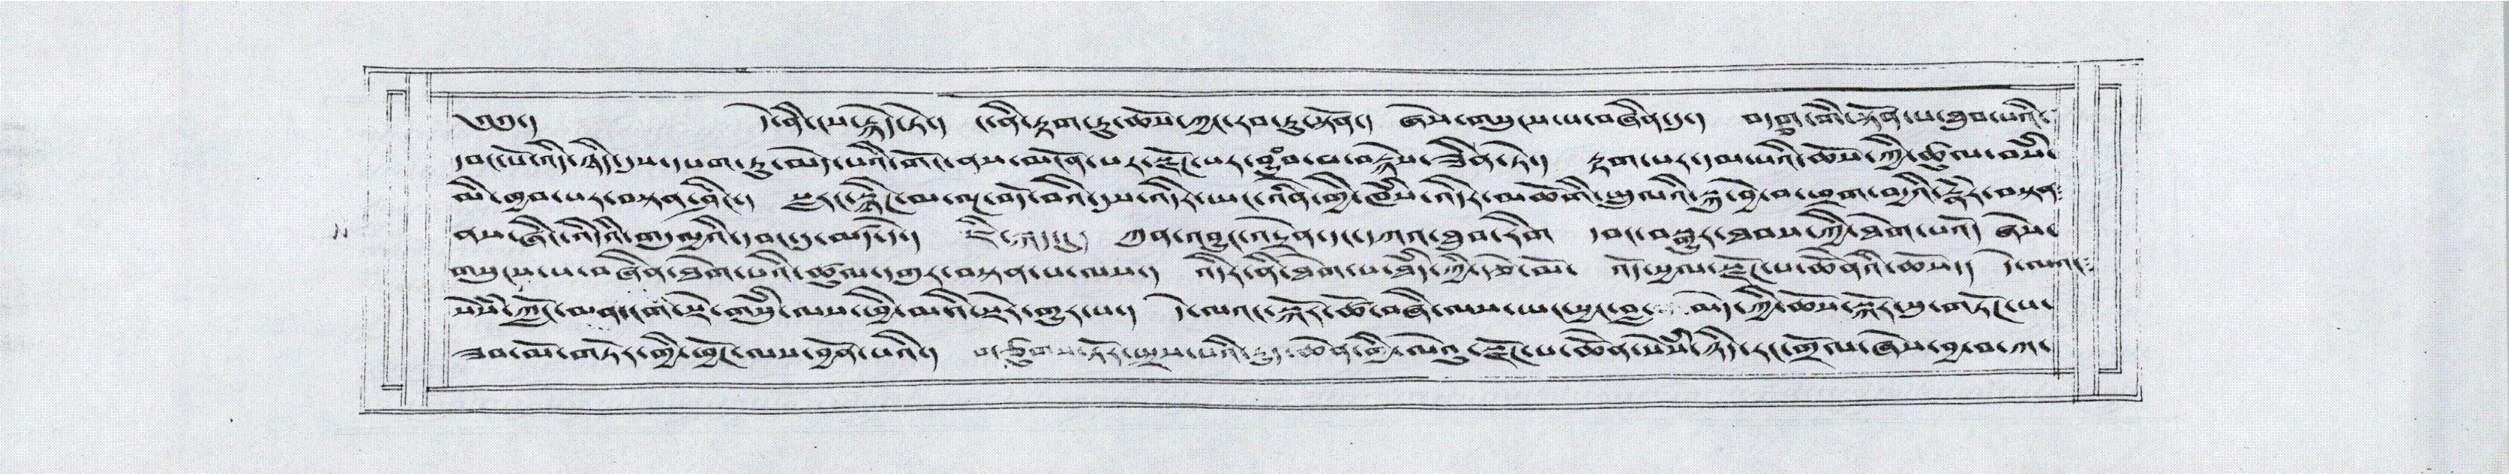དེ་ནི་ངེས་རྙེད་དེ། ང་ནི་རྟག་ཏུ་ཆོས་ཀྱང་རབ་ཏུ་སྟོན། ཞེས་གསུངས་པ་བཞིན་དུ། བདག་ཅག་གི་སྟོན་པ་ཐུབ་པའི་
དབང་པོ་འདི་ཉིད་དུས་དཔག་ཏུ་མེད་པའི་གོང་ནས་མངོན་པར་རྫོགས་པར་བྱང་ཆུབ་པ་བརྙེས་ཟིན་ཏེ། རྟག་པར་དམ་པའི་ཆོས་ཀྱི་ཚུལ་བསམ་
མི་ཁྱབ་པ་བསྟན་ཅིང་། སླར་ཡང་སྙིགས་མ་ལྔ་བདོ་བའི་དུས་འདིར་ཡང་འཇིག་རྟེན་གྱི་ཁམས་འདིར་མཆོག་གི་སྤྲུལ་པའི་སྐུ་བྱེ་བ་ཕྲག་བརྒྱའི་རྣམ་པར་བསྟན་
ནས་ཞིང་འདིའི་གདུལ་བྱའི་དབང་དུ་མཛད་དེ། ཇི་སྐད་དུ། ཀུན་འབྱུང་འདྲེན་དང་དཀའ་ཐུབ་རིག དབང་སྒྱུར་ཐབས་ཀྱི་ཐེག་པའོ། ཞེས་
གསུངས་པ་བཞིན་ཐེག་པའི་ཚུལ་དགུར་བསྟན་པ་ལས། འདིར་ནི་ཐེག་པ་ཐམས་ཅད་ཀྱི་རྩེ་མོ། འོད་གསལ་རྫོགས་པ་ཆེན་པོའི་ཆོས། དེལའང་
སེམས་ཀློང་མན་ངག་གི་སྡེ་གསུམ་ལས་ཕྱི་མའི་སྡེར་གྱུར་པ། དེ་ལའང་སྐོར་ཚོ་བཞི་ལས་ཡང་གསང་བླ་མེད་ཀྱི་ཆོས་སྐོར་སུ་གཏོགས་པ་
ཟབ་མོ་གཏེར་གྱི་ཕྱོགས་ལས་བྱོན་པའི། གཙུག་ཏོར་སྤྲས་པའི་རྒྱུད་ཆེན་གྱི་ལེའུ་རྫོགས་པ་ཆེན་པོ་སེམས་ཉིད་རང་གྲོལ་ཞེས་བྱ་བ་ཀ་